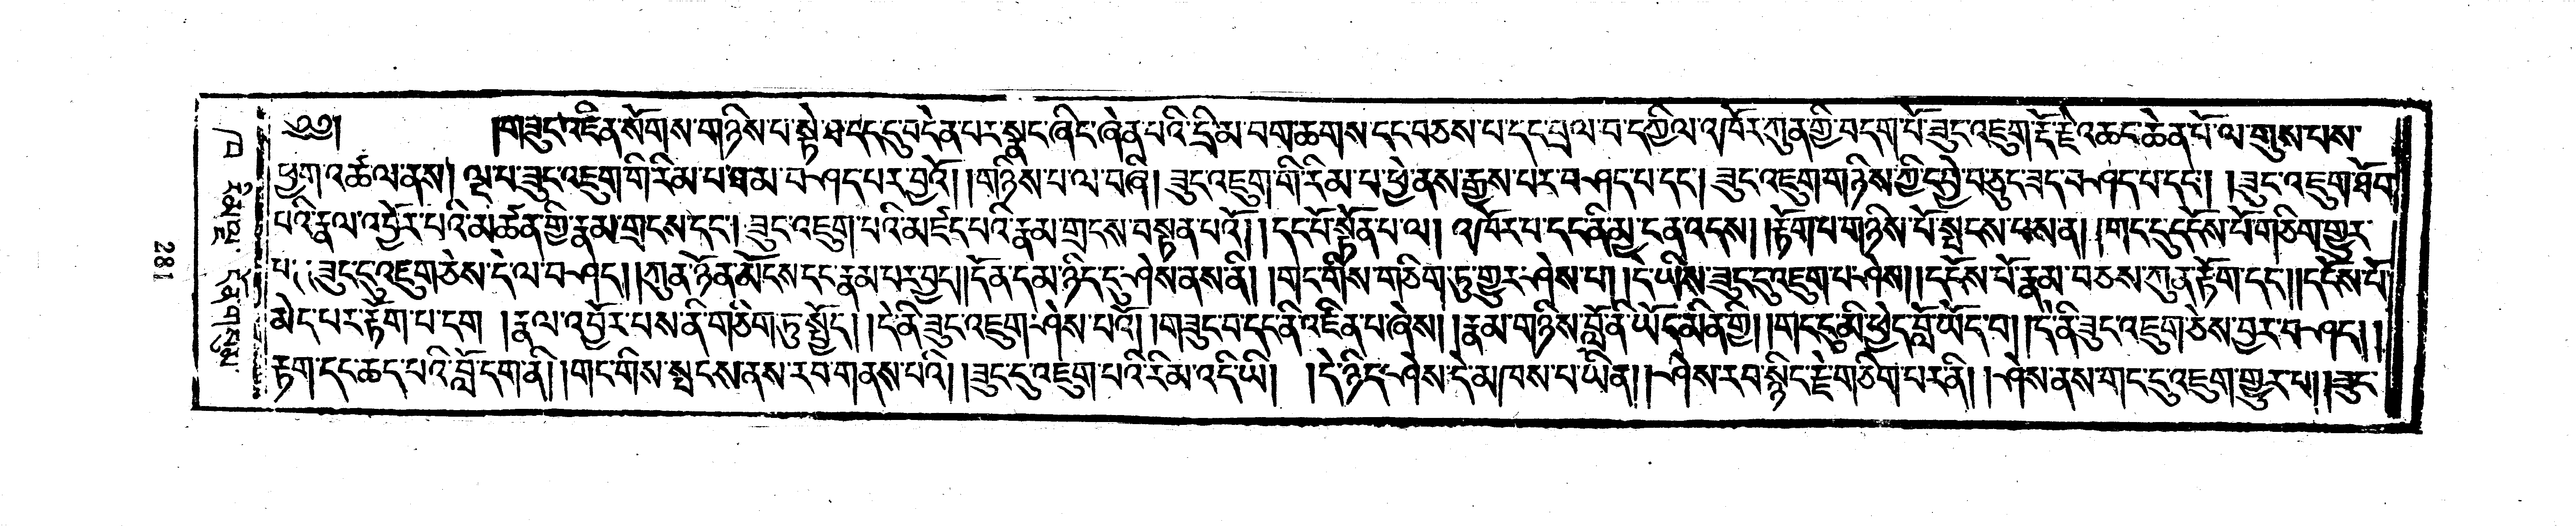༄༅། །གཟུང་འཛིན་སོགས་གཉིས་པ་སྟེ་ཐ་དད་དུ་བདེན་པར་སྣང་ཞིང་ཞེན་པའི་དྲི་མ་བག་ཆགས་དང་བཅས་པ་དང་བྲལ་བ་དཀྱིལ་འཁོར་ཀུན་གྱི་བདག་པོ་ཟུང་འཇུག་རྡོ་རྗེ་འཆང་ཆེན་པོ་ལ་གུས་པས་
ཕྱག་འཚལ་ནས། ལྔ་པ་ཟུང་འཇུག་གི་རིམ་པ་ཐ་མ་བཤད་པར་བྱའོ། །གཉིས་པ་ལ་བཞི། ཟུང་འཇུག་གི་རིམ་པ་ཕྱེ་ནས་རྒྱས་པར་བཤད་པ་དང་། ཟུང་འཇུག་གཉིས་ཀྱི་དབྱེ་བ་ཅུང་ཟད་བཤད་པ་དང་། །ཟུང་འཇུག་ཐོབ་
པའི་རྣལ་འབྱོར་པའི་མཚན་གྱི་རྣམ་གྲངས་དང་། ཟུང་འཇུག་པའི་མཛད་པའི་རྣམ་གྲངས་བསྟན་པའོ། །དང་པོ་སྟོན་པ་ལ། འཁོར་བ་དང་ནི་མྱ་ངན་འདས། །རྟོག་པ་གཉིས་པོ་སྤངས་པས་ན། །གང་དུ་དངོས་པོ་གཅིག་གྱུར་
པ༑ ༑ཟུང་དུ་འཇུག་ཅེས་དེ་ལ་བཤད། །ཀུན་ཉོན་མོངས་དང་རྣམ་པར་བྱང་། །དོན་དམ་ཉིད་དུ་ཤེས་ནས་ནི། །གང་གིས་གཅིག་ཏུ་གྱུར་ཤེས་པ། །དེ་ཡིས་ཟུང་དུ་འཇུག་པ་ཤེས། །དངོས་པོ་རྣམ་བཅས་ཀུན་རྟོག་དང་། །དངོས་པོ་
མེད་པར་རྟོག་པ་དག །རྣལ་འབྱོར་པས་ནི་གཅིག་ཏུ་སྤྱོད། །དེ་ནི་ཟུང་འཇུག་ཤེས་པའོ། །གཟུང་བ་དང་ནི་འཛིན་པ་ཞེས། །རྣམ་གཉིས་བློ་ནི་ཡོད་མིན་གྱི། །གང་དུ་མི་ཕྱེད་བློ་ཡོད་པ། །དེ་ནི་ཟུང་འཇུག་ཅེས་བྱར་བཤད། །
རྟག་དང་ཆད་པའི་བློ་དག་ནི། །གང་གིས་སྤངས་ནས་རབ་གནས་པའི། །ཟུང་དུ་འཇུག་པའི་རིམ་འདི་ཡི། །དེ་ཉིད་ཤེས་དེ་མཁས་པ་ཡིན། །ཤེས་རབ་སྙིང་རྗེ་གཅིག་པར་ནི། །ཤེས་ནས་གང་དུ་འཇུག་གྱུར་པ། །ཟུང་